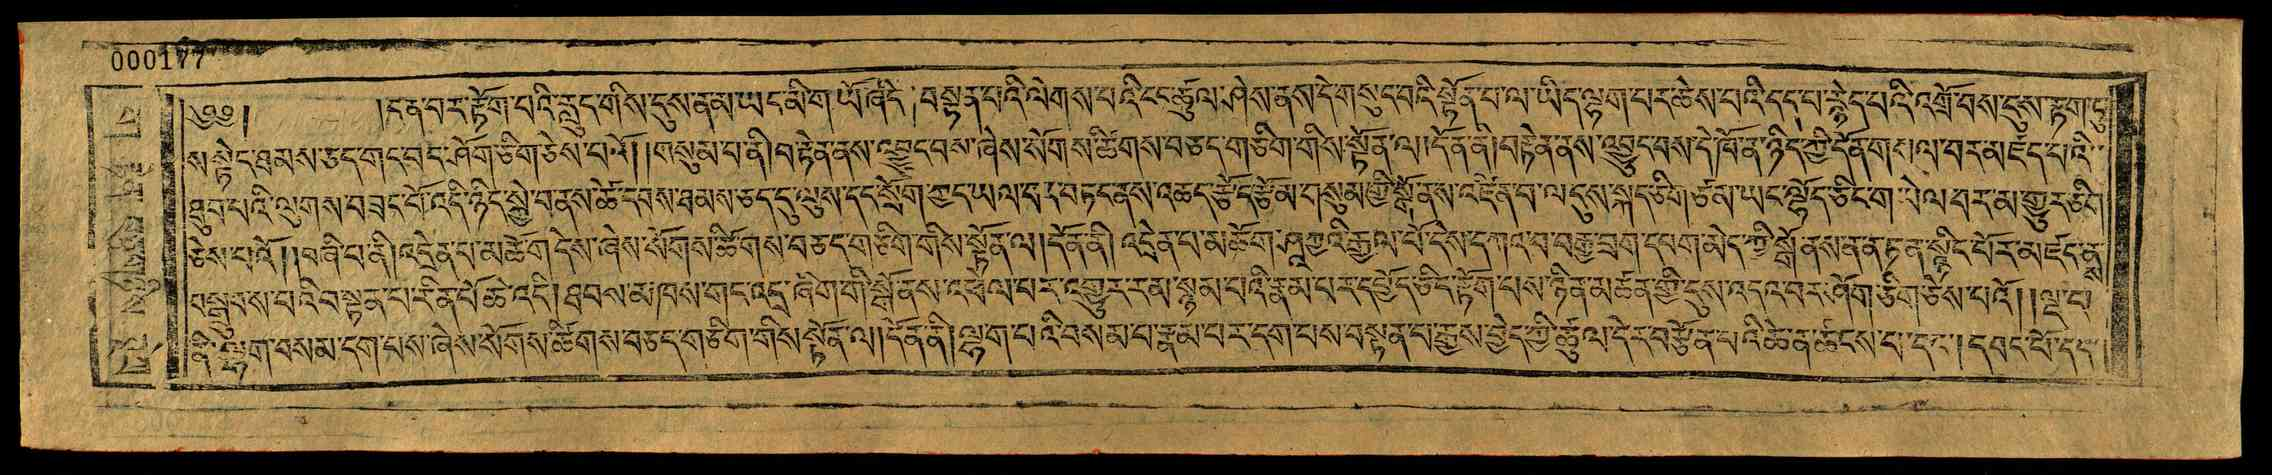༄༅། །ངན་པར་རྟོགས་པའི་རླུང་གིས་དུས་ནམ་ཡང་མི་གཡོ་ཞིང་། བསྟན་པའི་ལེགས་པའི་ངང་ཚུལ་ཤེས་ནས་དེ་གསུང་པའི་སྟོན་པ་ལ་ཡིད་ལྷག་པར་ཆེས་པའི་དད་པ་རྙེད་པའི་འགྲོ་བས་དུས་རྟག་དུ་
ས་སྟེང་ཐམས་ཅད་གང་བར་ཤོག་ཅིག་ཅེས་པའོ། །གསུམ་པ་ནི། བརྟེན་ནས་འབྱུང་བས་ཞེས་སོགས་ཚིགས་བཅད་གཅིག་གིས་སྟོན་ལ། དོན་ནི། བརྟེན་ནས་འབྱུང་བས་དེ་ཁོ་ན་ཉིད་ཀྱི་དོན་གསལ་བར་མཛད་པའི་
ཐུབ་པའི་ལུགས་བཟང་པོ་འདི་ཉིད་སྐྱེ་བ་ནས་ཚེ་རབས་ཐམས་ཅད་དུ་ལུས་དང་སྲོག་ཀྱང་ཡལ་བར་བཏང་ནས་འཆད་རྩོད་རྩོམ་གསུམ་གྱི་སྒོ་ནས་འཛིན་པ་ལ་དུས་སྐད་ཅིག་ཙམ་ཡང་ལྷོད་ཅིང་གཡེལ་བར་མ་གྱུར་ཅིག་
ཅེས་པའོ། །བཞི་པ་ནི། འདྲེན་པ་མཆོག་དེས་ཞེས་སོགས་ཚིགས་བཅད་གཅིག་གིས་སྟོན་ལ། དོན་ནི། འདྲེན་པ་མཆོག་ཤཱཀྱའི་རྒྱལ་པོ་དེས་དཀའ་བ་བརྒྱ་ཕྲག་དཔག་མེད་ཀྱི་སྒོ་ནས་ནན་ཏན་སྙིང་པོར་མཛད་ནས་
བསྒྲུབས་པའི་བསྟན་པ་རིན་པོ་ཆེ་འདི། ཐབས་མཁས་གང་འདྲ་ཞིག་གི་སྒོ་ནས་འཕེལ་བར་འགྱུར་རབ་སྙམ་པའི་རྣམ་པར་དཔྱོད་ཅིང་རྟོག་པས་ཉིན་མཚན་གྱི་དུས་འདའ་བར་ཤོག་ཅིག་ཅེས་པའོ། །ལྔ་པ་
ནི། ལྷག་བསམ་དག་པས་ཞེས་སོགས་ཚིགས་བཅད་གཅིག་གིས་སྟོན་ལ། དོན་ནི། ལྷག་པའི་བསམ་པ་རྣམ་པར་དག་པས་བསྟན་པ་རྒྱས་བྱེད་ཀྱི་ཚུལ་དེར་བརྩོན་པའི་ཚེ་ན་ཚངས་པ་དང་། དབང་པོ་དང་།